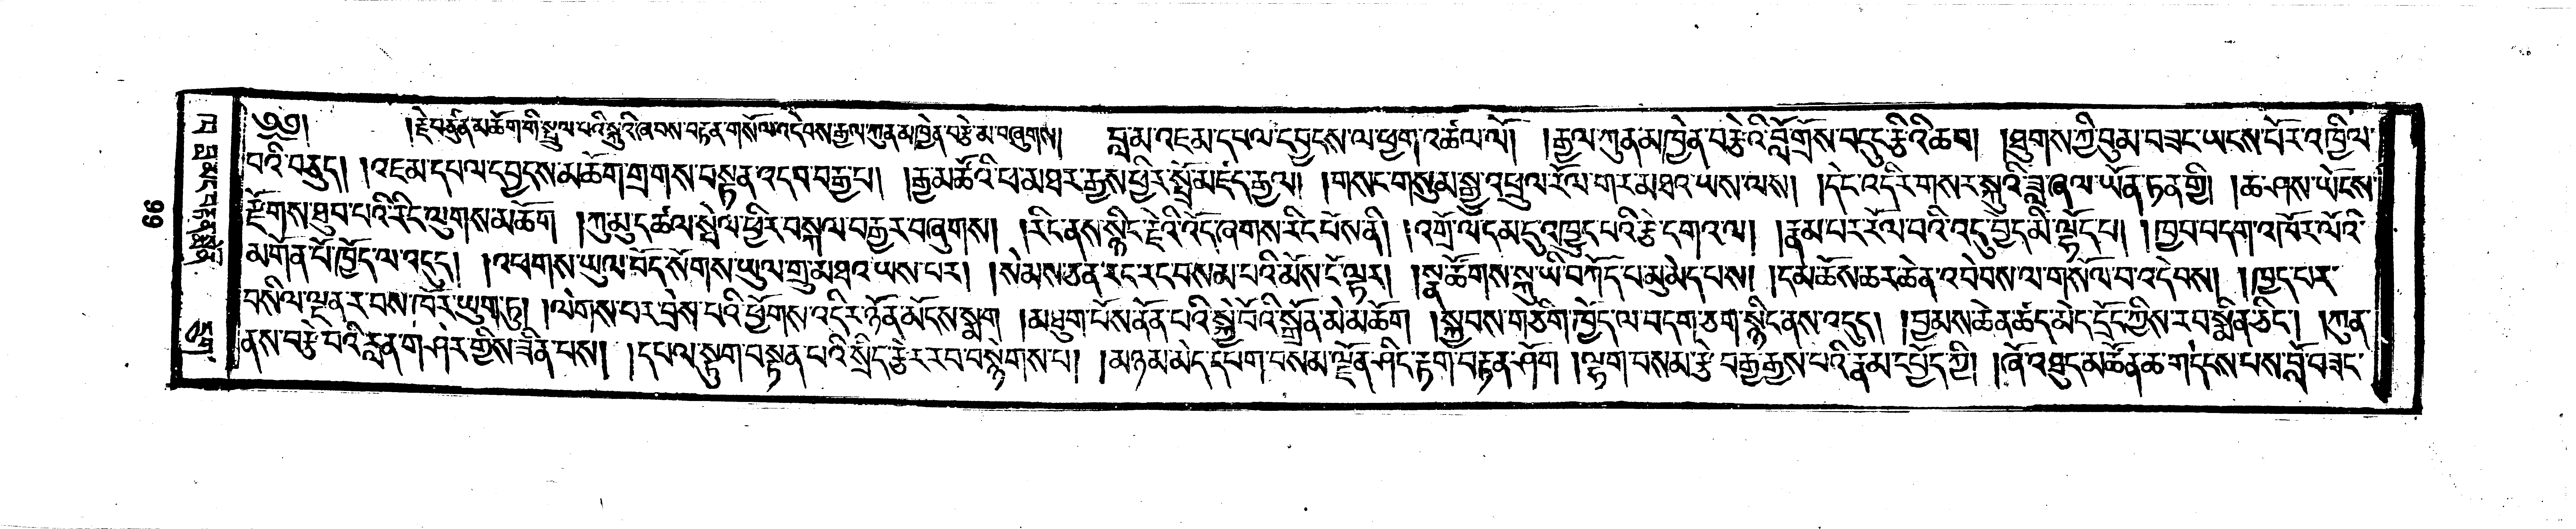༄༅། །རྗེ་བཙུན་མཆོག་གི་སྤྲུལ་པའི་སྐུའི་ཞབས་བརྟན་གསོལ་འདེབས་རྒྱལ་ཀུན་མཁྱེན་བརྩེ་མ་བཞུགས། བླ་མ་འཇམ་དཔལ་དབྱངས་ལ་ཕྱག་འཚལ་ལོ། །རྒྱལ་ཀུན་མཁྱེན་བརྩེའི་བློ་གྲོས་བདུང་རྩིའི་ཆབ། །ཐུགས་ཀྱི་བུམ་བཟང་ཡངས་པོར་འཁྱིལ་
བའི་བཅུད། །འཇམ་དཔལ་དབྱངས་མཆོག་གྲགས་བསྟན་འདབ་བརྒྱ་པ། །རྒྱ་མཚོའི་ཕ་མཐར་རྒྱས་ཕྱིར་སྤྲོ་མཛད་རྒྱལ། །གསང་གསུམ་སྒྱུ་འཕྲུལ་རོལ་གར་མཐའ་ཡས་ལས། །དེང་འདིར་གསར་སྐུའི་ཞལ་ཞལ་ཡོན་ཏན་གྱི། །ཆ་ཤས་ཡོངས་
རྫོགས་ཐུབ་པའི་རིང་ལུགས་མཆོག །ཀུ་མུ་ད་ཚལ་སྤེལ་ཕྱིར་བསྐལ་བརྒྱར་བཞུགས། །རིང་ནས་སྙིང་རྗེའི་འོད་ཞགས་རིང་པོས་ནི། །འགྲོ་ལ་དམ་དུ་འཁྱུང་པའི་རྩེ་དགའ་ལ། །རྣམ་པར་རོལ་པའི་འདུ་བྱེད་མི་ལྷོད་པ། །ཁྱབ་བདག་འཁོར་ལོའི་
མགོན་པོ་ཁྱོད་ལ་འདུད། །འཕགས་ཡུལ་བོད་སོགས་ཡུལ་གྲུ་མཐའ་ཡས་པར། །སེམས་ཅན་རང་རང་བསམ་པའི་མོས་ངོ་ལྟར། །སྣ་ཚོགས་སྐུ་ཡི་བཀོད་པ་མུ་མེད་པས། །དམ་ཆོས་ཆར་ཆེན་འབེབས་ལ་གསོལ་བ་འདེབས། །ཁྱད་པར་
བསིལ་ལྡན་ར་བས་ཁོར་ཡུག་ཏུ། །ལེགས་པར་བྲེས་པའི་ཕྱོགས་འདིར་ཉོན་མོངས་སྨག །མཐུག་པོས་ནོན་པའི་སྐྱེ་བོའི་སྒྲོན་མེ་མཆོག །སྐྱབས་གཅིག་ཁྱོད་ལ་བདག་ཅག་སྙིང་ནས་འདུད། །བྱམས་ཆེན་ཚད་མེད་དྲོང་ཀྱིས་རབ་སྨིན་ཅིང་། །ཀུན་
ནས་བརྩེ་བའི་རླན་གཤེར་གྱིས་ཟིན་པས། །དཔལ་སྟུག་བསྟན་པའི་སྲིད་རྩེར་རབ་བསྙེགས་པ། །མཉམ་མེད་དཔག་བསམ་ལྗོན་ཤིང་རྟག་བརྟན་ཤོག །ལྷག་བསམ་རྩེ་བརྒྱ་རྒྱས་པའི་རྣམ་དཔྱོད་ཀྱི། །ཞོ་འཐུད་མཚོན་ཆ་གདེངས་པས་བློ་བཟང་